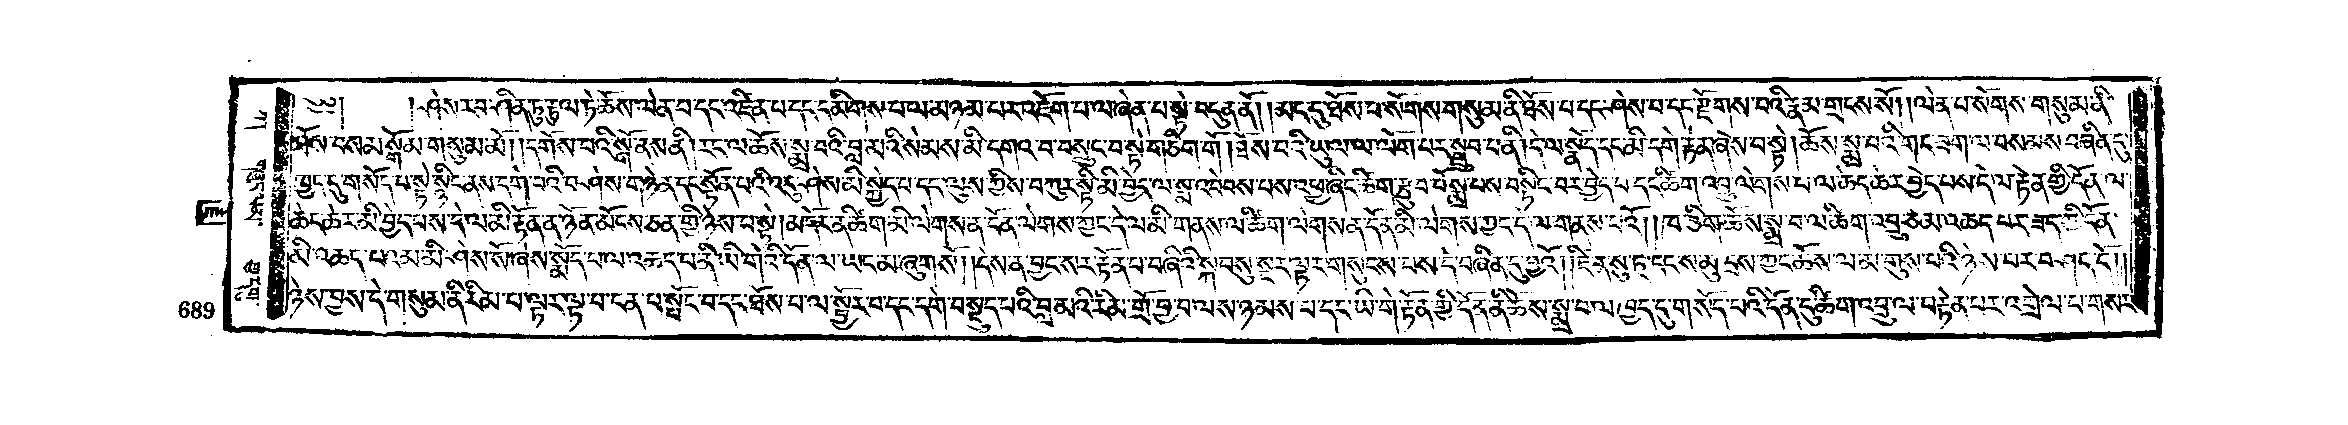༄༅། །ཤེས་རབ་ཤིན་ཏུ་རྟུལ་ཏེ་ཆོས་ལེན་པ་དང་འཛིན་པ་དང་དམིགས་པ་ལ་མཉམ་པར་འཇོག་པ་ལ་ཞེན་པ་སྟེ་བདུན་ནོ། །མང་དུ་ཐོས་པ་སོགས་གསུམ་ནི་ཐོས་པ་དང་ཤེས་པ་དང་རྫོགས་པའི་རྣམ་གྲངས་སོ། །ལེན་པ་སོགས་གསུམ་ནི་
ཐོས་བསམ་སྒོམ་གསུམ་མོ། །དགོས་པའི་སྒོ་ནས་ནི། རང་ལ་ཆོས་སྨྲ་བའི་བླ་མའི་སེམས་མི་དགའ་བ་བསྲུང་བ་སྟེ་གཅིག་གོ །ཐོས་པའི་ཡུལ་ལ་ལོག་པར་སྒྲུབ་པ་ནི། དེ་ལ་སྣོད་དང་མི་དགེ་རྟེན་ཞེས་པ་སྟེ། ཆོས་སྨྲ་བའི་གང་ཟག་ལ་བསམས་བཞིན་དུ་
ཁྱད་དུ་གསོད་པ་སྟེ་སྙིང་ནས་དགེ་བའི་བཤེས་གཉེན་དང་སྟོན་པའི་འདུ་ཤེས་མི་སྐྱེད་པ་དང་ལུས་ཀྱིས་བཀུར་སྟི་མི་བྱེད་ལ་སྨ་འབེབས་པས་འཕྱ་ཞིང་ཚིག་རྩུབ་པོ་སྨྲ་པས་བསྟིང་བར་བྱེད་པ་དང་ཚིག་འབྲུ་ལེགས་པ་ལ་ཆེད་ཆེར་བྱེད་པས་དེ་ལ་རྟེན་གྱི་དོན་ལ་
ཆེད་ཆེར་མི་བྱེད་པས་དེ་ལ་མི་རྟོན་ན་ཉོན་མོངས་ཅན་གྱི་ཉེས་པ་སྟེ། མདོར་ན་ཚིག་མི་ལེགས་ན་དོན་ལེགས་ཀྱང་དེ་ལ་མི་གནས་ལ་ཚིག་ལེགས་ན་དོན་མི་ལེགས་ཀྱང་དེ་ལ་གནས་པའོ། །ཁ་ཅིག་ཆོས་སྨྲ་བ་ལ་ཚིག་འབྲུ་ཙམ་འཆད་པར་ཟད་ཀྱི་དོན་
མི་འཆད་པའམ་མི་ཤེས་སོ་ཞེས་སྨོད་པ་ལ་འཆད་པ་ནི་ཡི་གེའི་དོན་ལ་ཡང་མ་ཞུགས་སོ། །དེས་ན་བྱང་སར་རྟོན་པ་བཞིའི་སྐབས་སུ་སྔར་ལྟར་གསུངས་པས་དེ་བཞིན་དུ་བྱའོ། །ཛི་ན་སུ་ཏྲ་དང་ས་མུ་དྲས་ཀྱང་ཆོས་ལ་མ་གུས་པའི་ཉེས་པར་བཤད་དོ།།
ཉེས་བྱས་དེ་གསུམ་ནི་རིམ་པ་ལྟར་ལྟ་བ་ངན་པ་སྤོང་བ་དང་ཐོས་པ་ལ་སྦྱོར་བ་དང་དགེ་བ་སྡུད་པའི་བླ་མའི་རིམ་གྲོ་བྱ་བ་ལས་ཉམས་པ་དང་ཡི་གེ་རྟོན་གྱི་དོན་ནི་ཆོས་སྨྲ་བ་ལ་ཁྱད་དུ་གསོད་པའི་དོན་དུ་ཚིག་འབྲུ་ལ་བརྟེན་པར་འགྲེལ་པ་གསར་